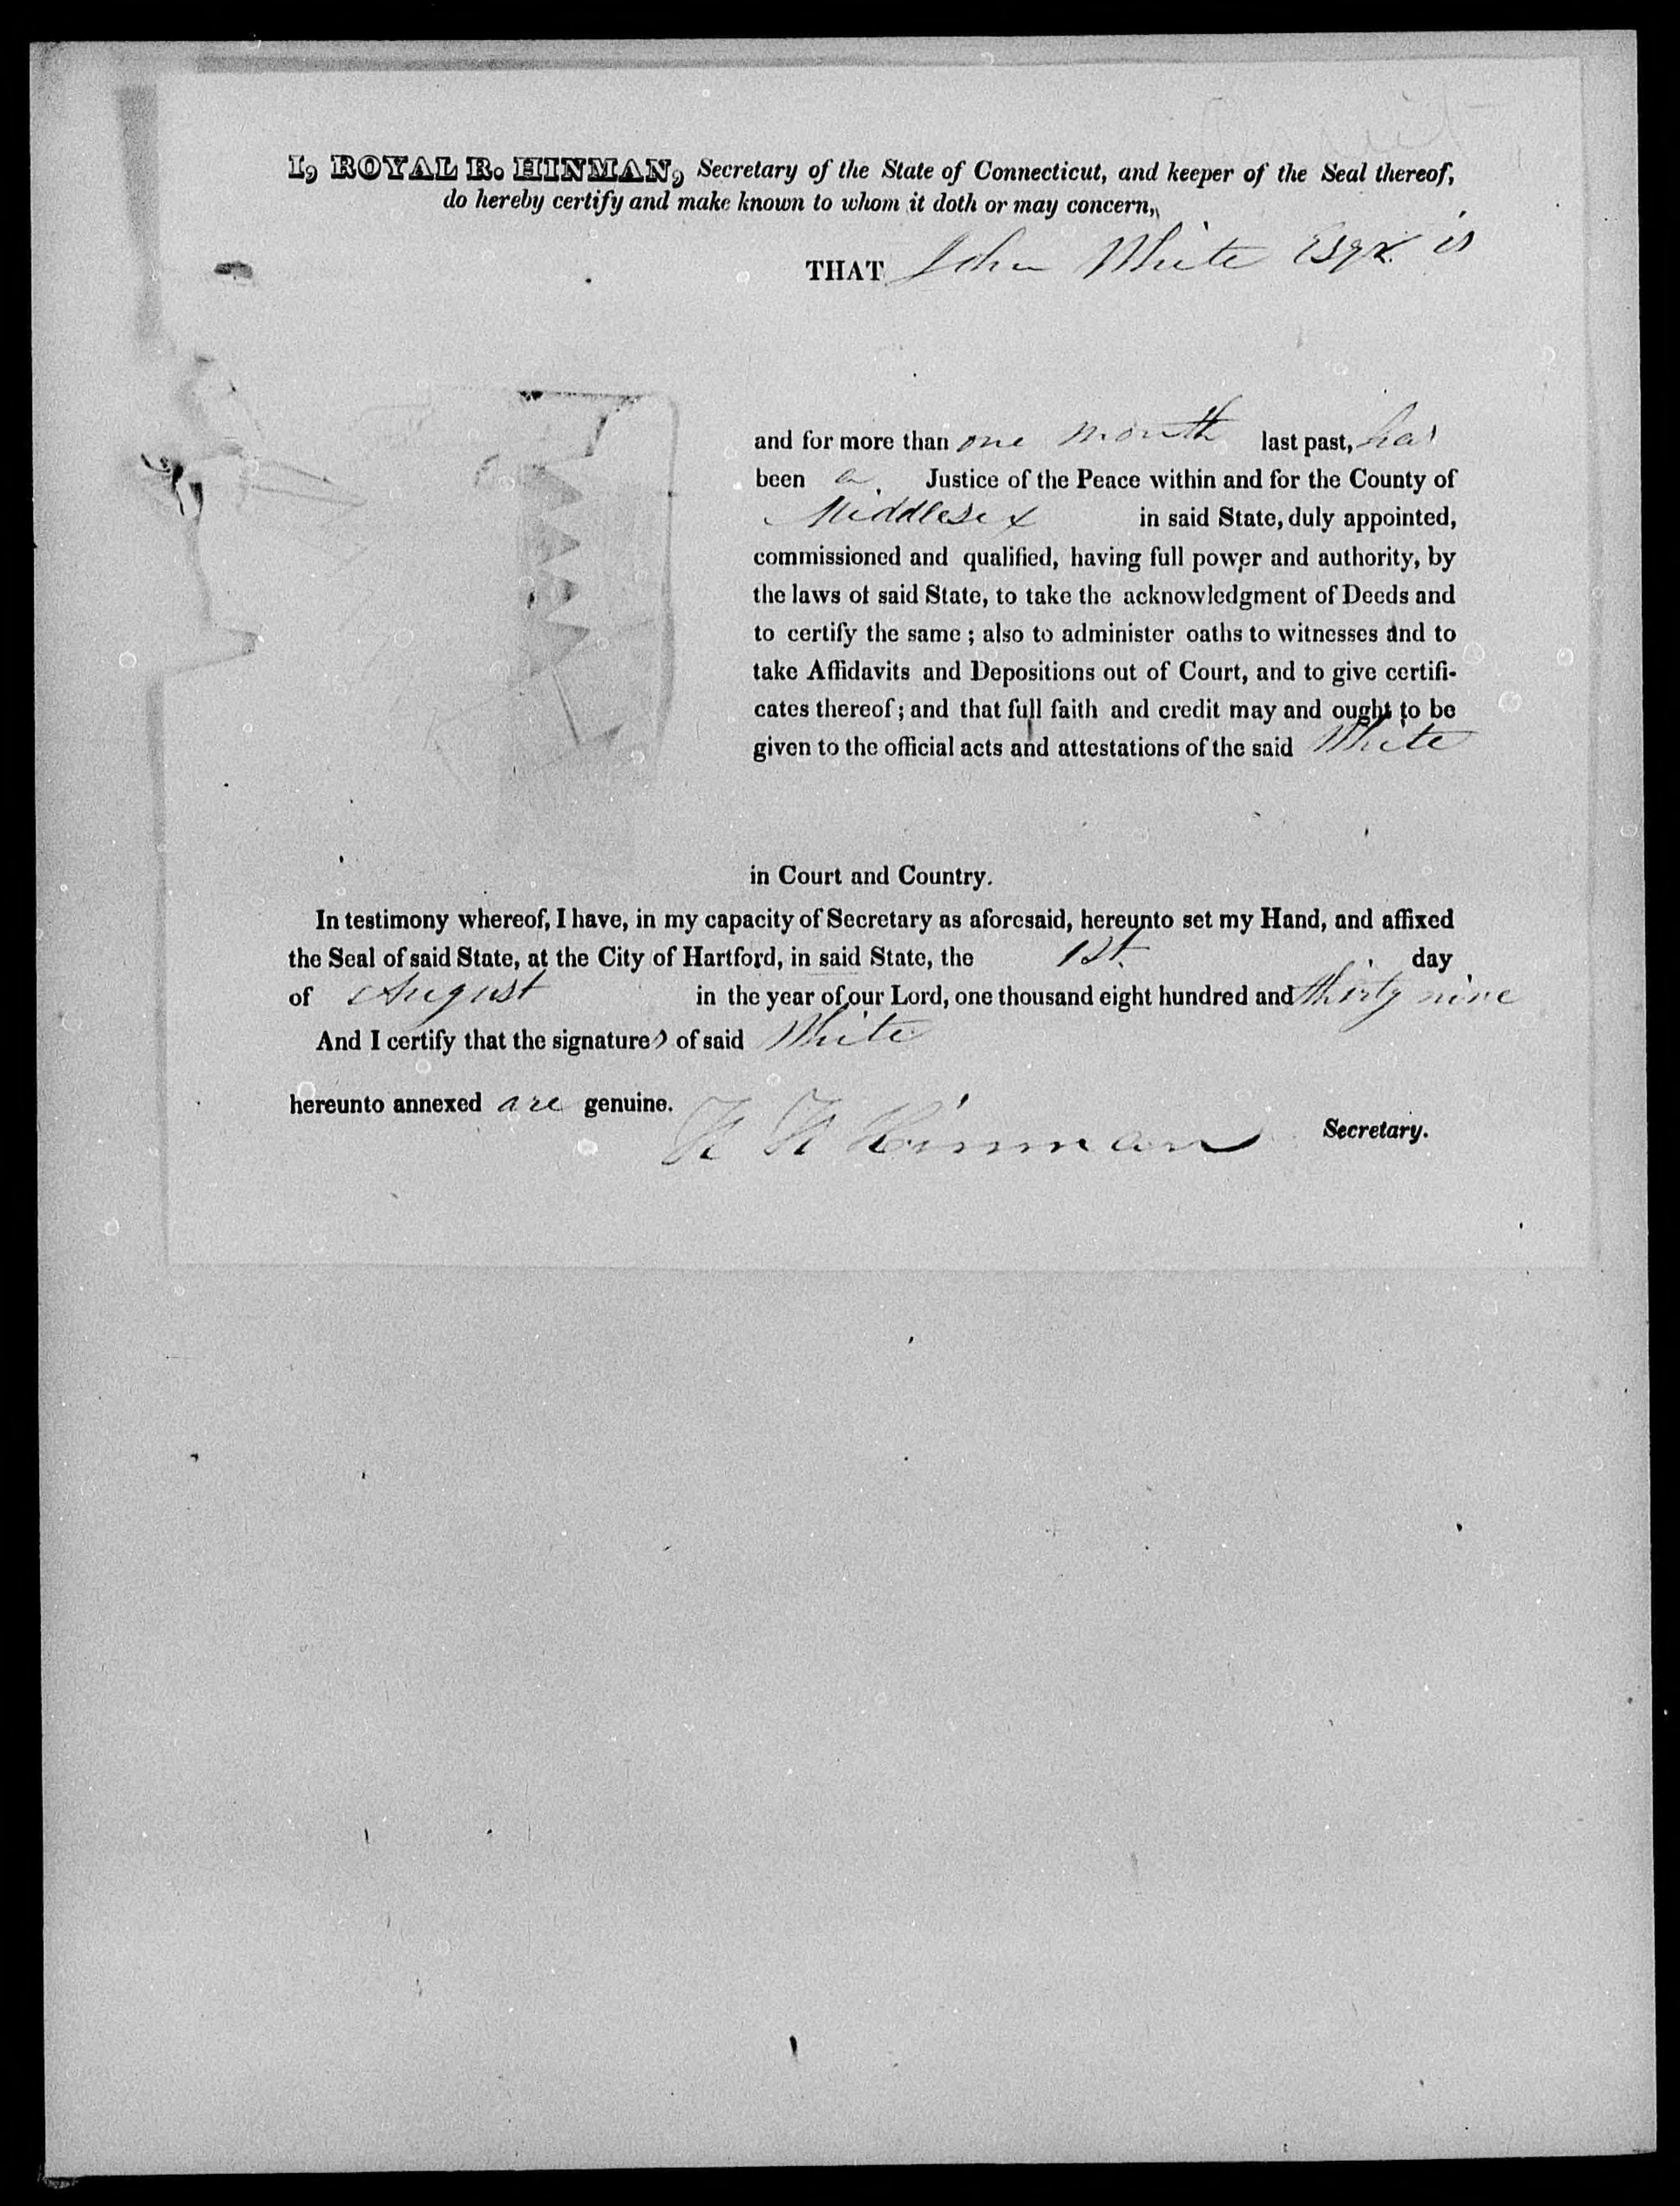I, ROYAL R. HINMAN, Secretary of the State of Connecticut, and keeper of the Seal thereof, do hereby certify and make known to whom it doth or may concern,
THAT John White Esq is
and for more than one month last past, has been a Justice of the Peace within and for the County of Middlesex in said State, duly appointed, commissioned and qualified, having full power and authority, by the laws of said State, to take the acknowledgment of Deeds and to certify the same; also to administer oaths to witnesses and to take Affidavits and Depositions out of Court, and to give certificates thereof; and that full faith and credit may and ought to be given to the official acts and attestations of the said White in Court and Country.

[Seal with serrated edges folded and affixed at left]

In testimony whereof, I have, in my capacity of Secretary as aforesaid, hereunto set my Hand, and affixed the Seal of said State, at the City of Hartford, in said State, the 1st day of August in the year of our Lord, one thousand eight hundred and thirty nine
And I certify that the signatures of said White hereunto annexed are genuine.

R R Hinman  Secretary.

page: 40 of 47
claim: widow's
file: W. 17879, for Seth Strong, Connecticut